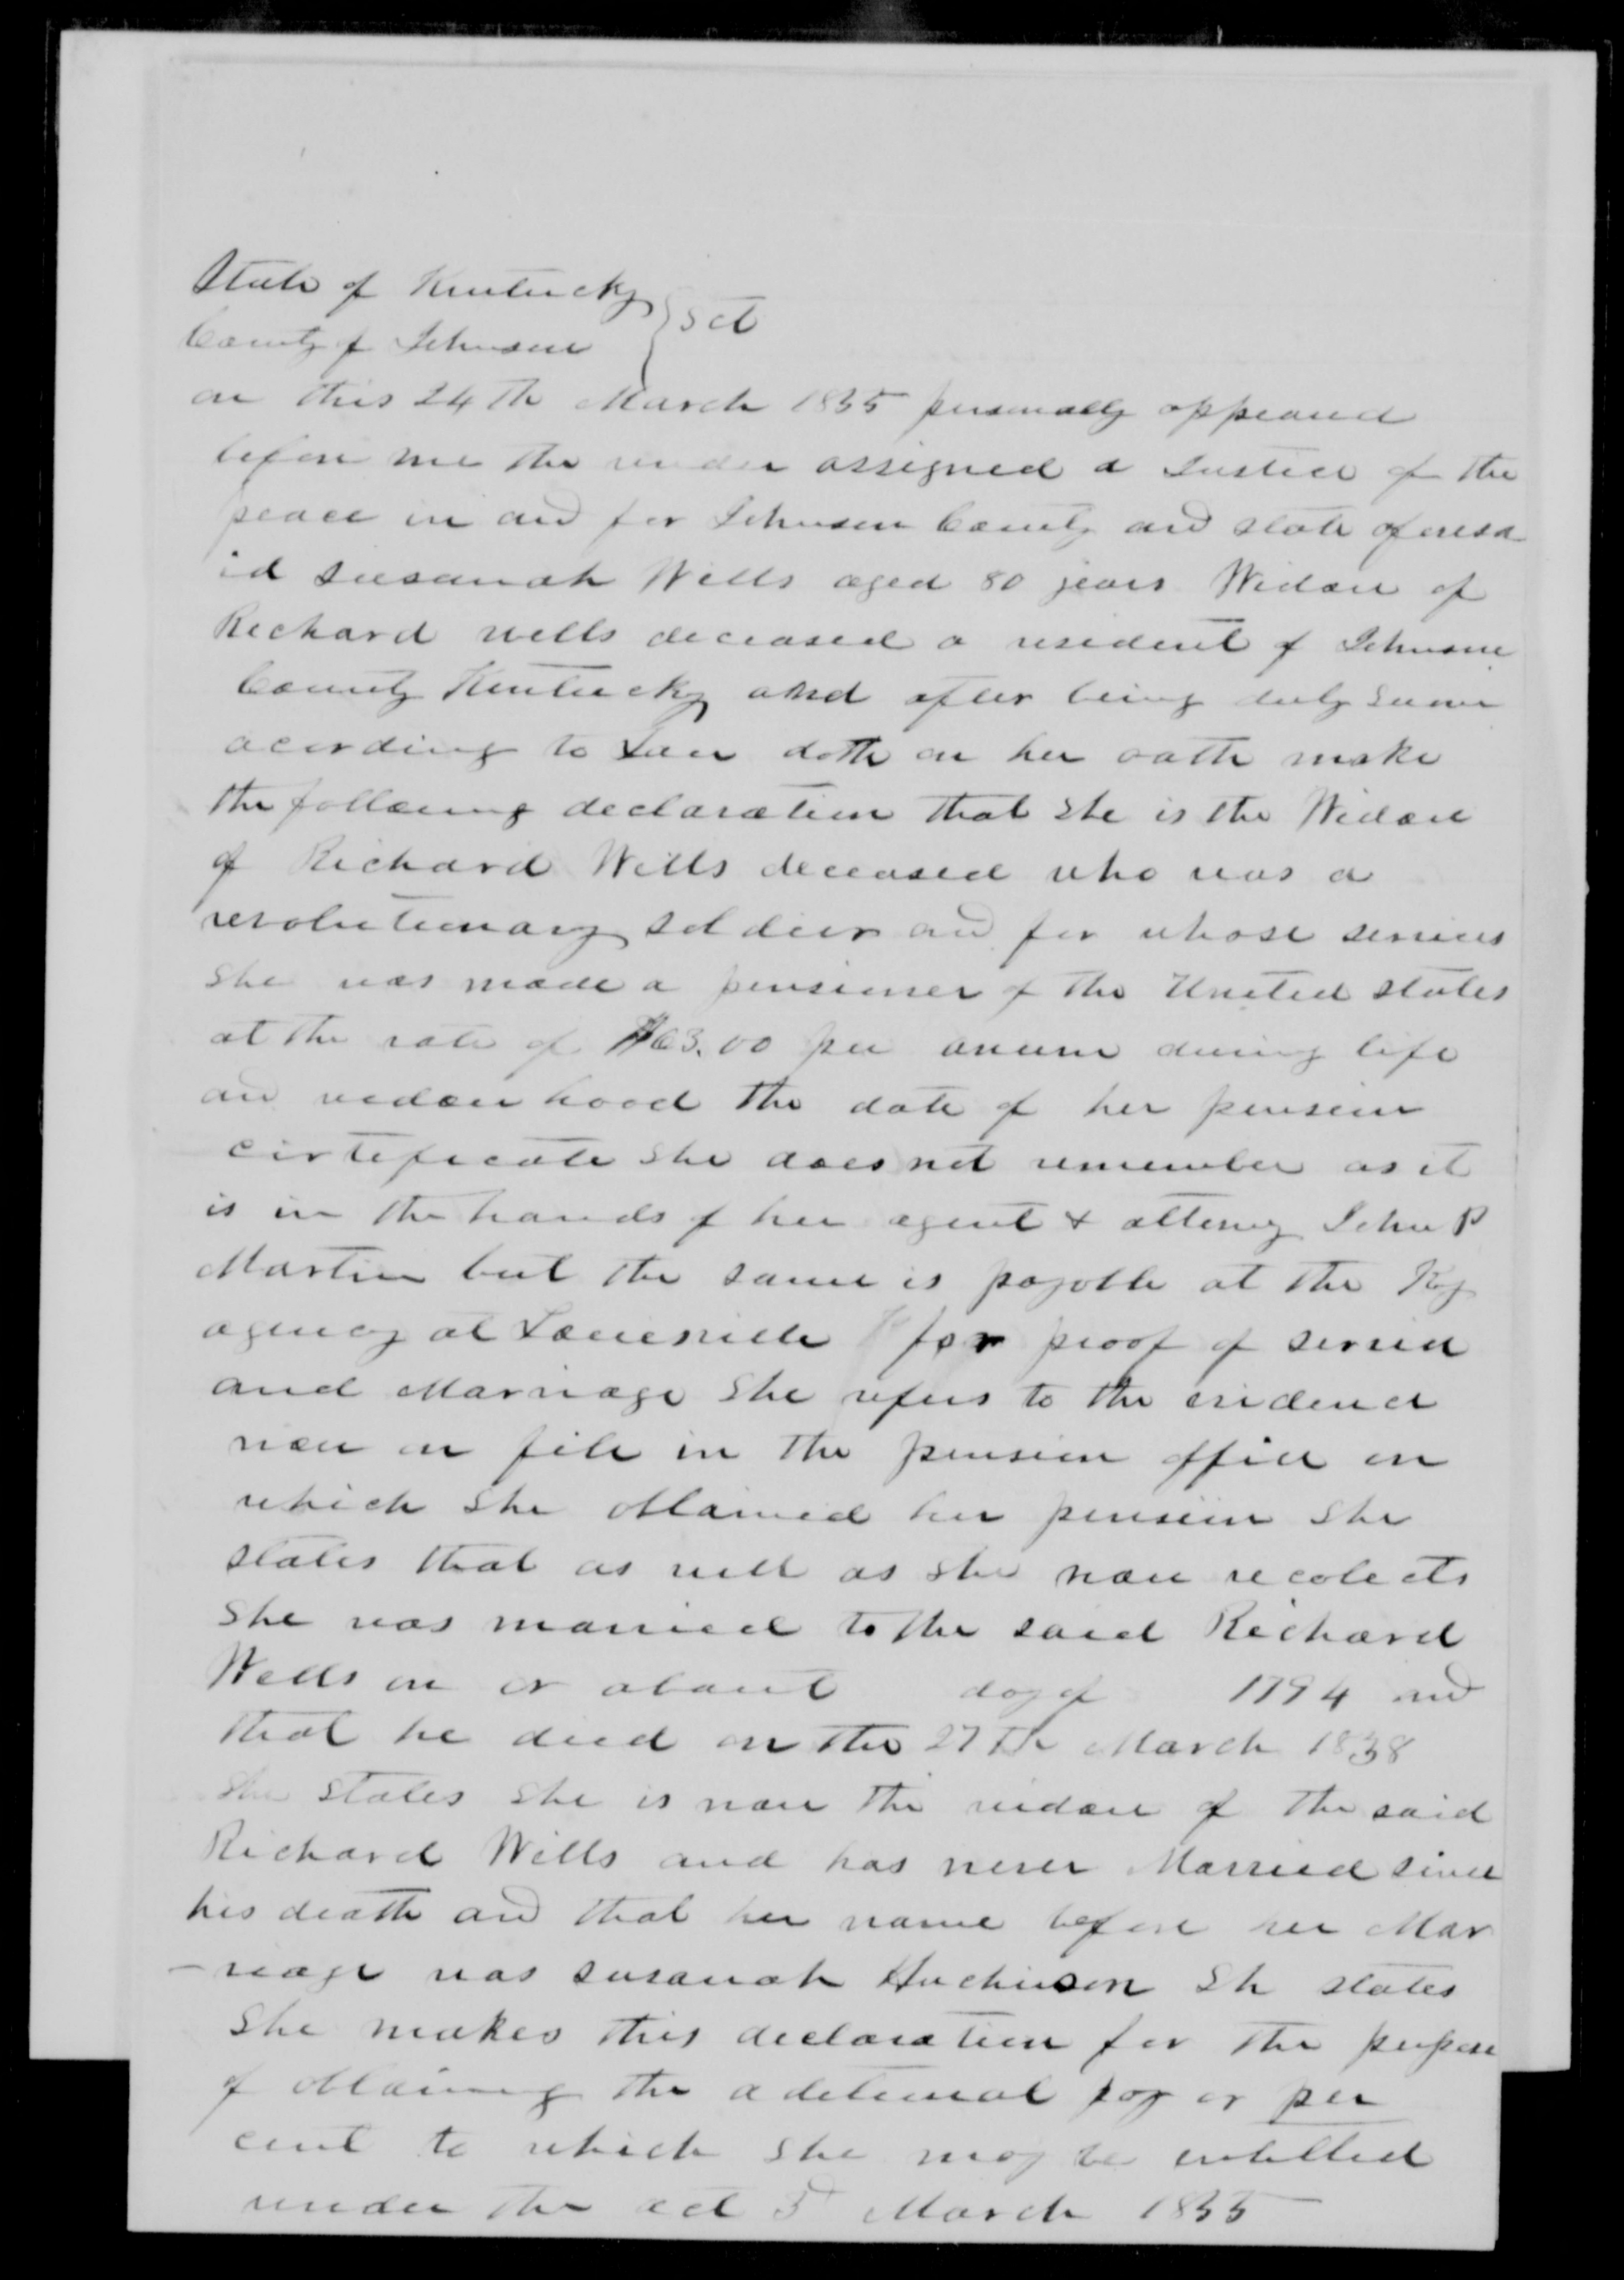[ State of Kentucky County of Johnson ] Set  On this 24th March 1855 personally appeared before me the under assigned  a  Justice of the peace in and for Johnson County and State foresaid Susanah Wells aged 80 years Widow of Richard Wells deceased a resident of Johnson County Kentucky and after being duly sworn according to law doth on her oath make the following declaration that she is the widow of Richard Wells  deceased who was a revolutionary soldier and for whose services she was made a pensioner of the United States at the rate of $63. 00 per annum during life  and widowhood the date of her pension certificate she does not remember as it is in the hands of her agent & attorney John P. Martin but the same is payable at the Ky agency at Louisville for proof of service and marriage she refers to the evidence  now on file in the pension office in which she obtained her pension  she states as now as she now recollects . She was married to the said Richard Wells on or about  __ day of __ 1794 and that he died on the 27th March 1838. She states that she is now the widow of the said Richard Wells and has never married since his death and that her name before  her marriage was Susanah Hutchison. She states she makes this declaration for the purpose of obtaining the additional  pay or percent to  which she may be entitled under the act  5 March 1855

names: Susanah Wells, John P Martin, Richard Wells, Susanah Huchison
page: 16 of 100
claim: widow's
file: W. 6437, Richard Wells, Ga Va.